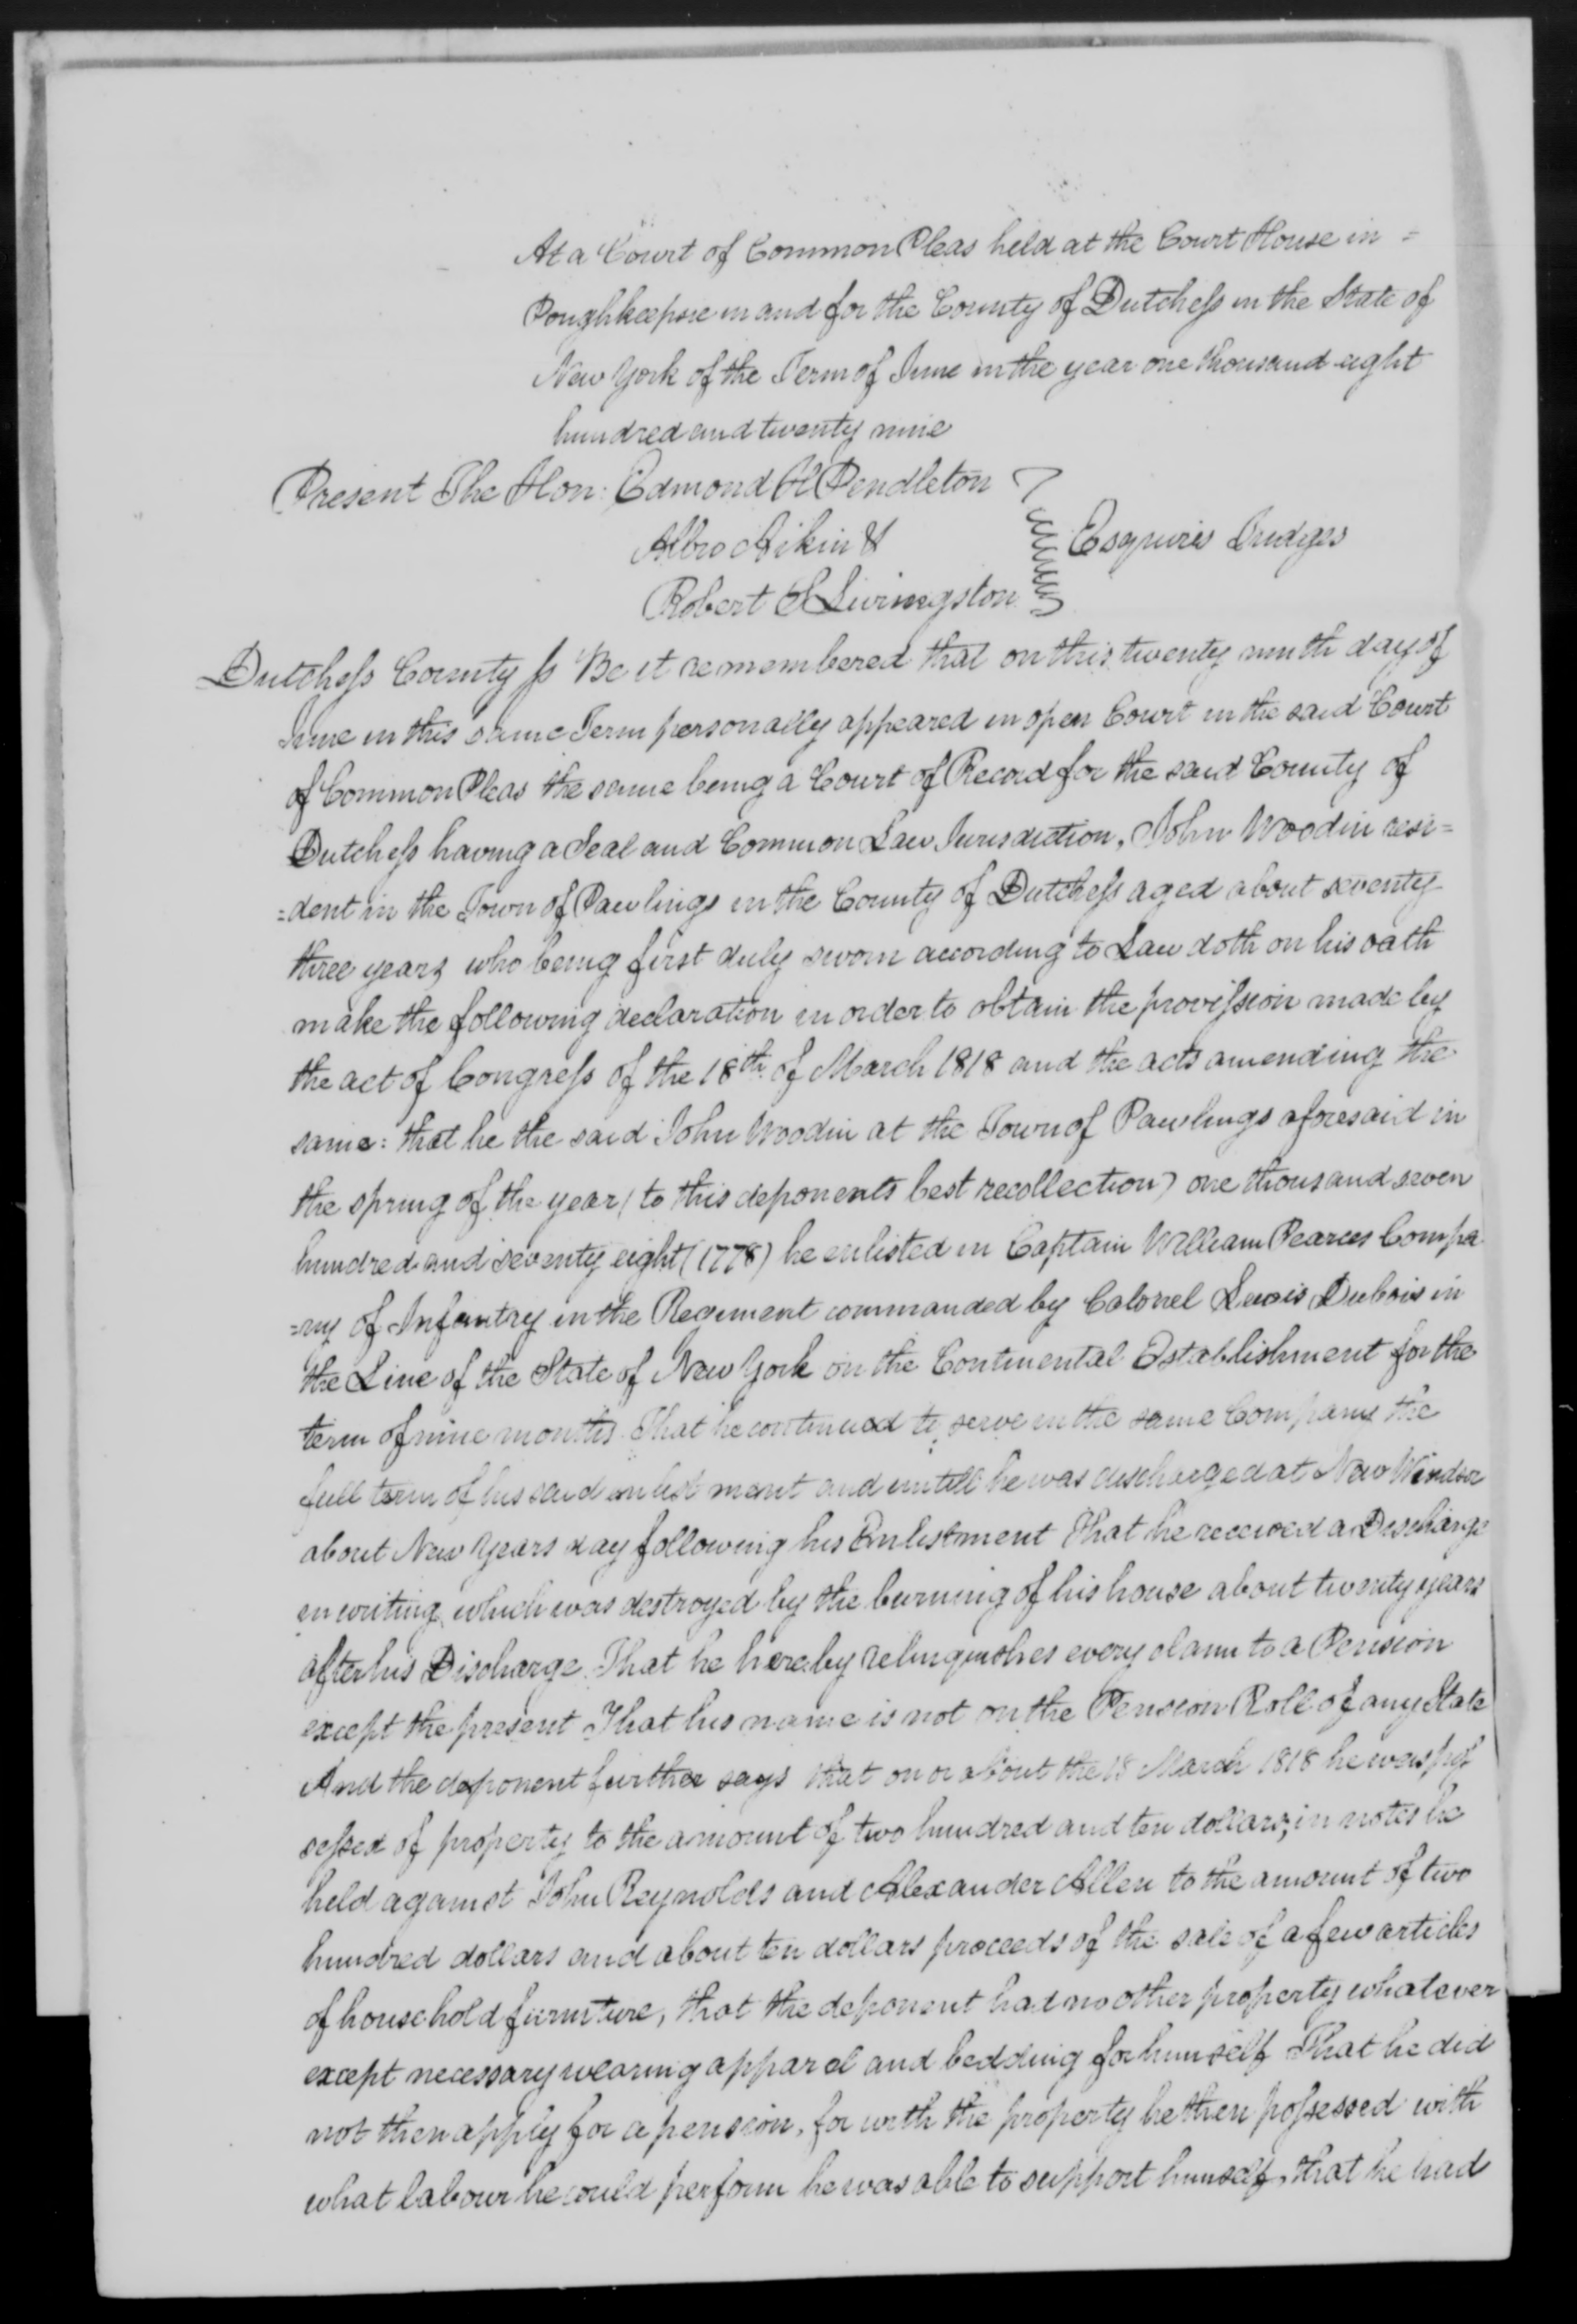At a Court of Common Pleas held at the Court House in Poughkeepsie in and for the County of Dutchess in the State of New York of the Term of June in the year one thousand eight hundred and twenty nine 
Present The Hon Edmond H Pendleton 
Albro Aikin & 
Robert Livingston Esquire Judges 
Dutchess County ss Be it remembered that on this twenty ninth day of June in this same term personally appeared in open Court in the said Court of Common Pleas the same being a Court of Record for the said County of Dutchess having a Seal and Common Law Jurisdiction, John Woodin resident in the Town of Pawlings in the County of Dutchess aged about seventy three years who being first duly sworn according to Law doth on his oath make the following declaration in order to obtain the provission made by the act of Congress of the 18th of March 1818 and the acts amending the same : that he the said John Woodin at the Town of Pawlings aforesaid in the spring of the year (to this deponents best recollection) one thousand seven hundred and seventy eight (1778) he enlisted in Captain William Pearce Company of Infantry in the Regiment commanded by Colonel Lewis Dubois in the Line of the State of New York on the Continental Establishment for the term of nine months that he continued to serve in the same Company the full term of his said enlistment and untill he was discharged at New Windsor about New Years day following his enlistment that he received a discharge in writing which was destroyed by the burning of his house about twenty years after his Discharge That he hereby relinquishes every claim to a Pension except the present That his name is not on the Pension Roll of any State And the deponent further says that on or about the 18 March 1818 he was of possessed of property to the amount of two hundred and ten dollars, in notes be held against John Reynolds and Alexander Allen to the amount of two hundred dollars and about ten dollars proceeds of the sale of a few articles of household furniture, that the deponent has no other property whatever except necessary wearing apparel and bedding for himself that he did not then apply for a pension, for with the property he then possessed with what labour he could perform he was able to support himself, that he had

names: Robert S Livingston, John Woodin, Alexander Allen, Albro Aikin, Lewis Dubois, Edmond H Pendleton, John Reynolds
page: 40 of 77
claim: widow's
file: W. 19658, John Woodin, New York